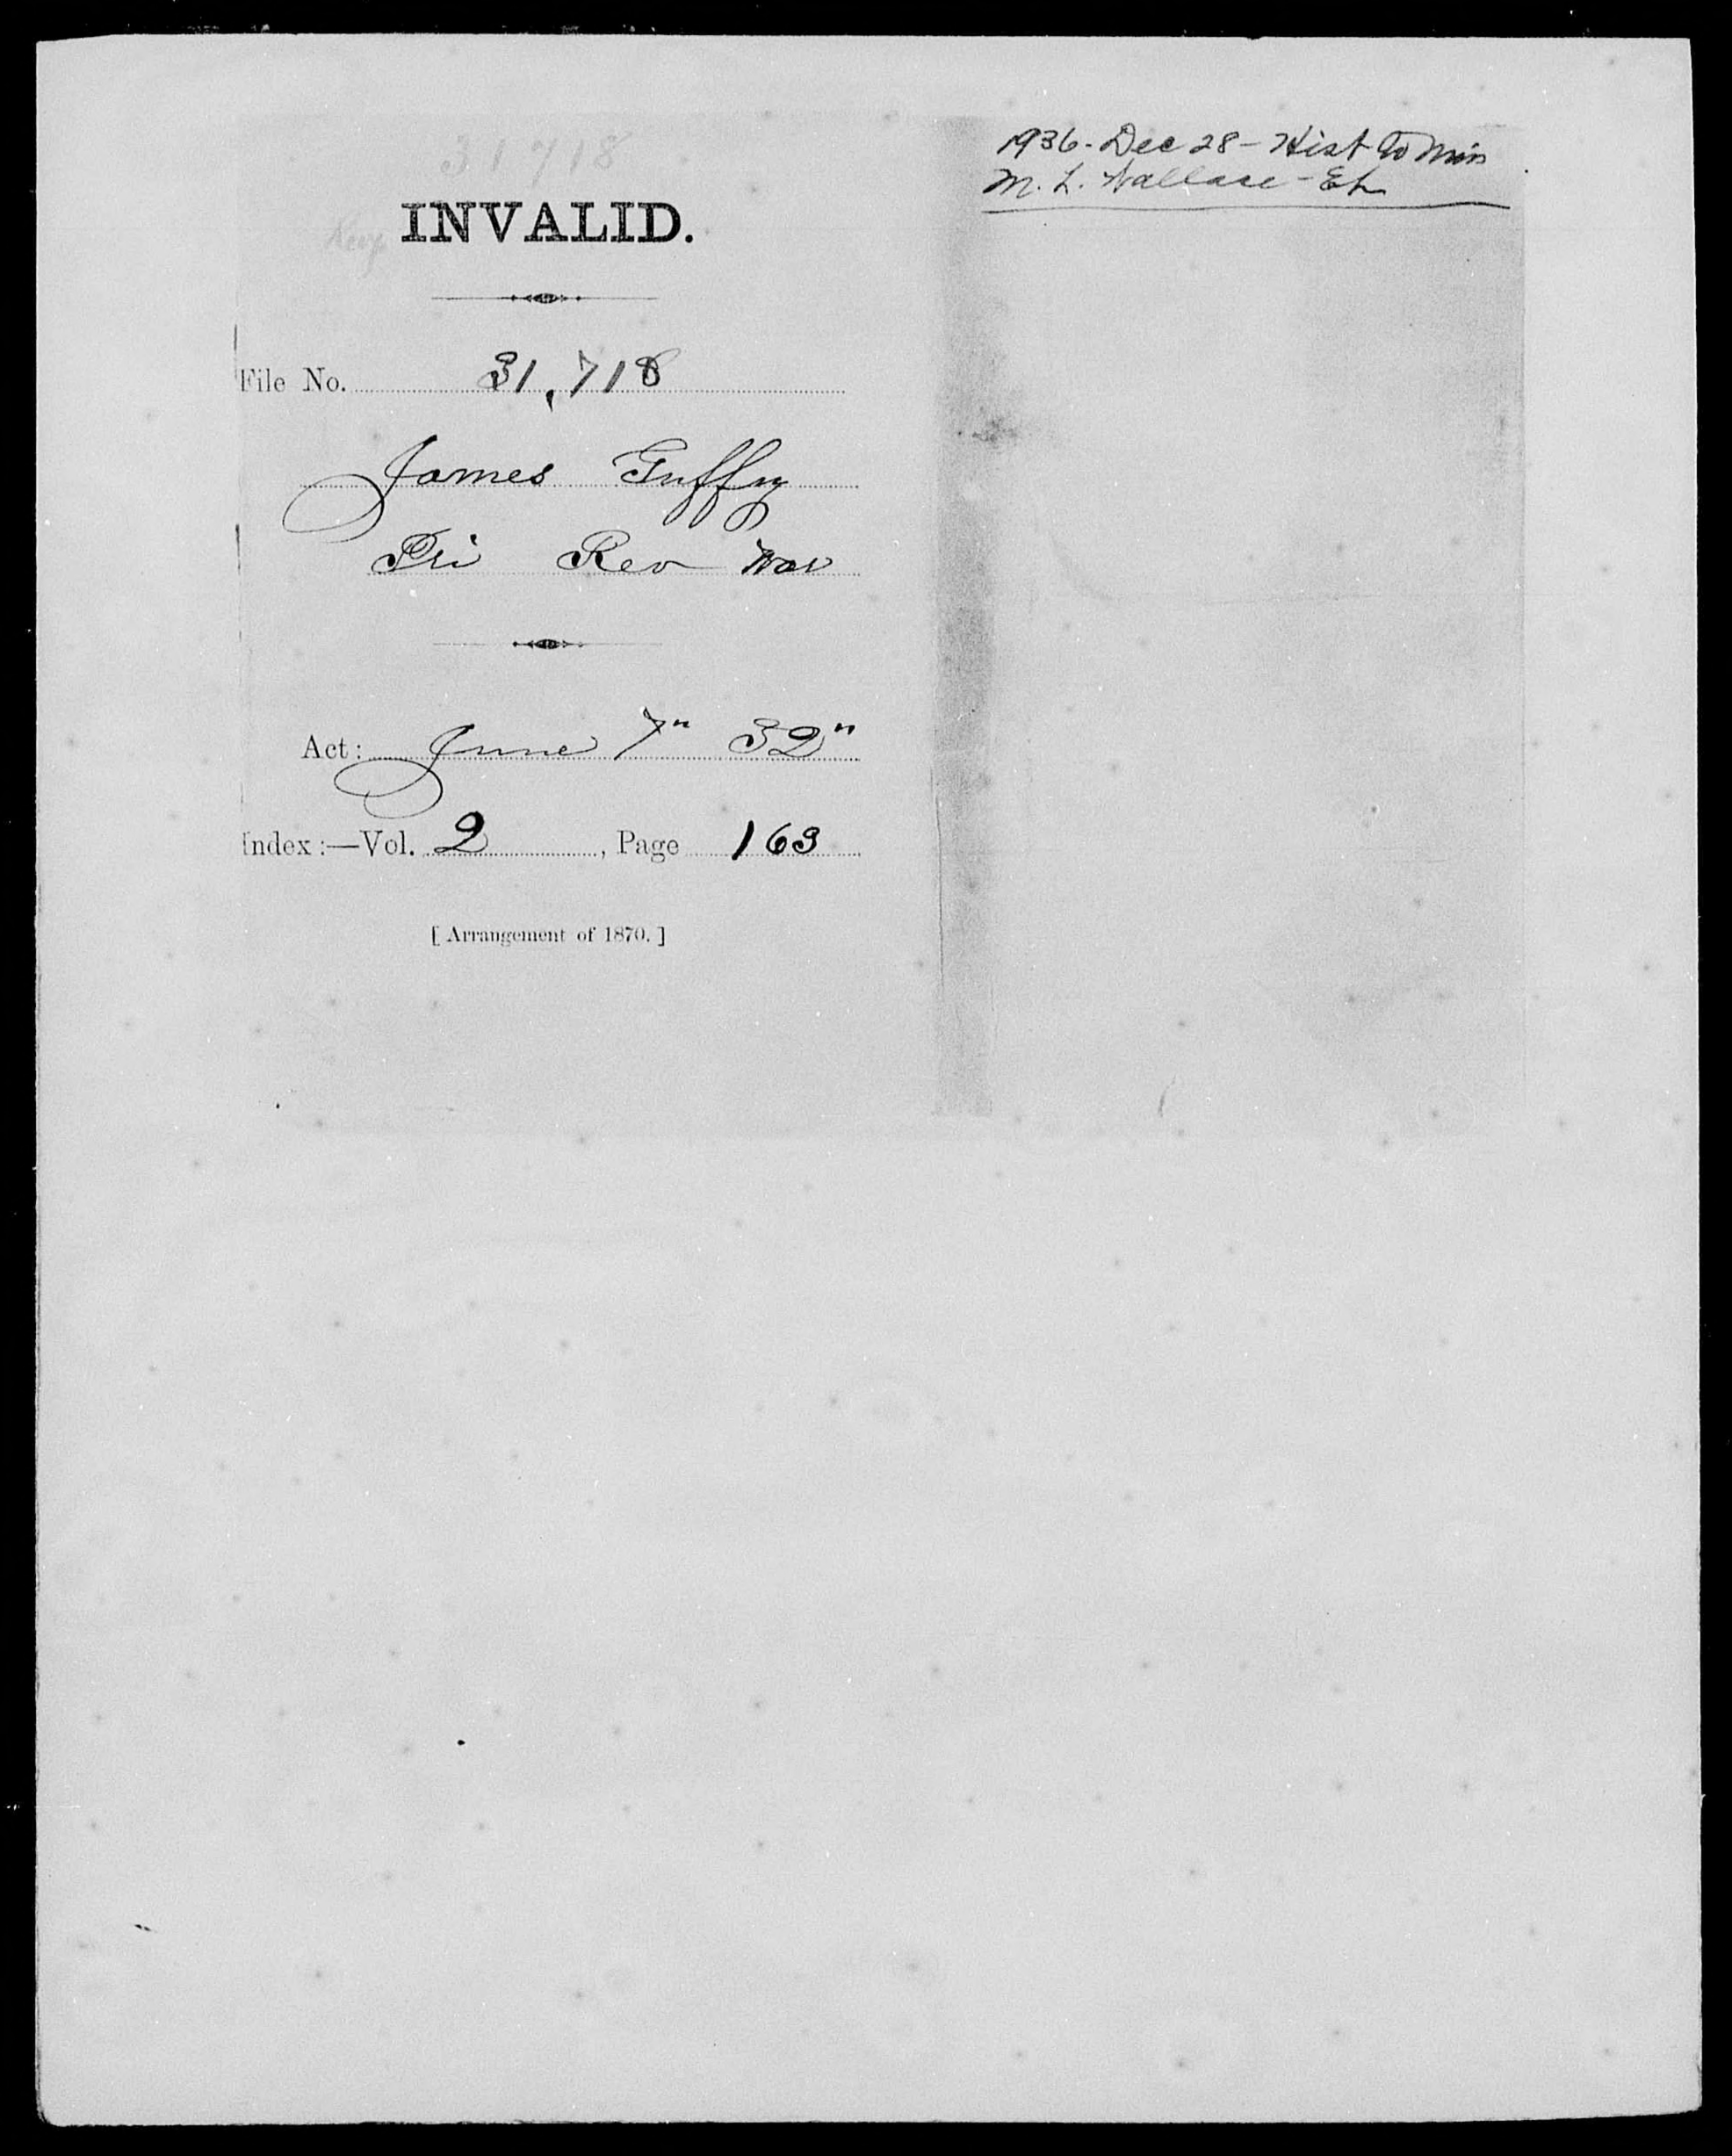31718
Revy.
INVALID.
File No. 31,718
James Guffey
Pri. Rev. War
Act: June 7th '32
Index: - Vol. 2, Page 163
[Arrangement of 1870.]
[Written on top right of paper] 1936 Dec 28-Hist. to Mrs. M. L. Wallace - EL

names: M L Wallace, James Guffey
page: 20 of 36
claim: survivor's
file: S. 31,718, James Guffey, Penn.